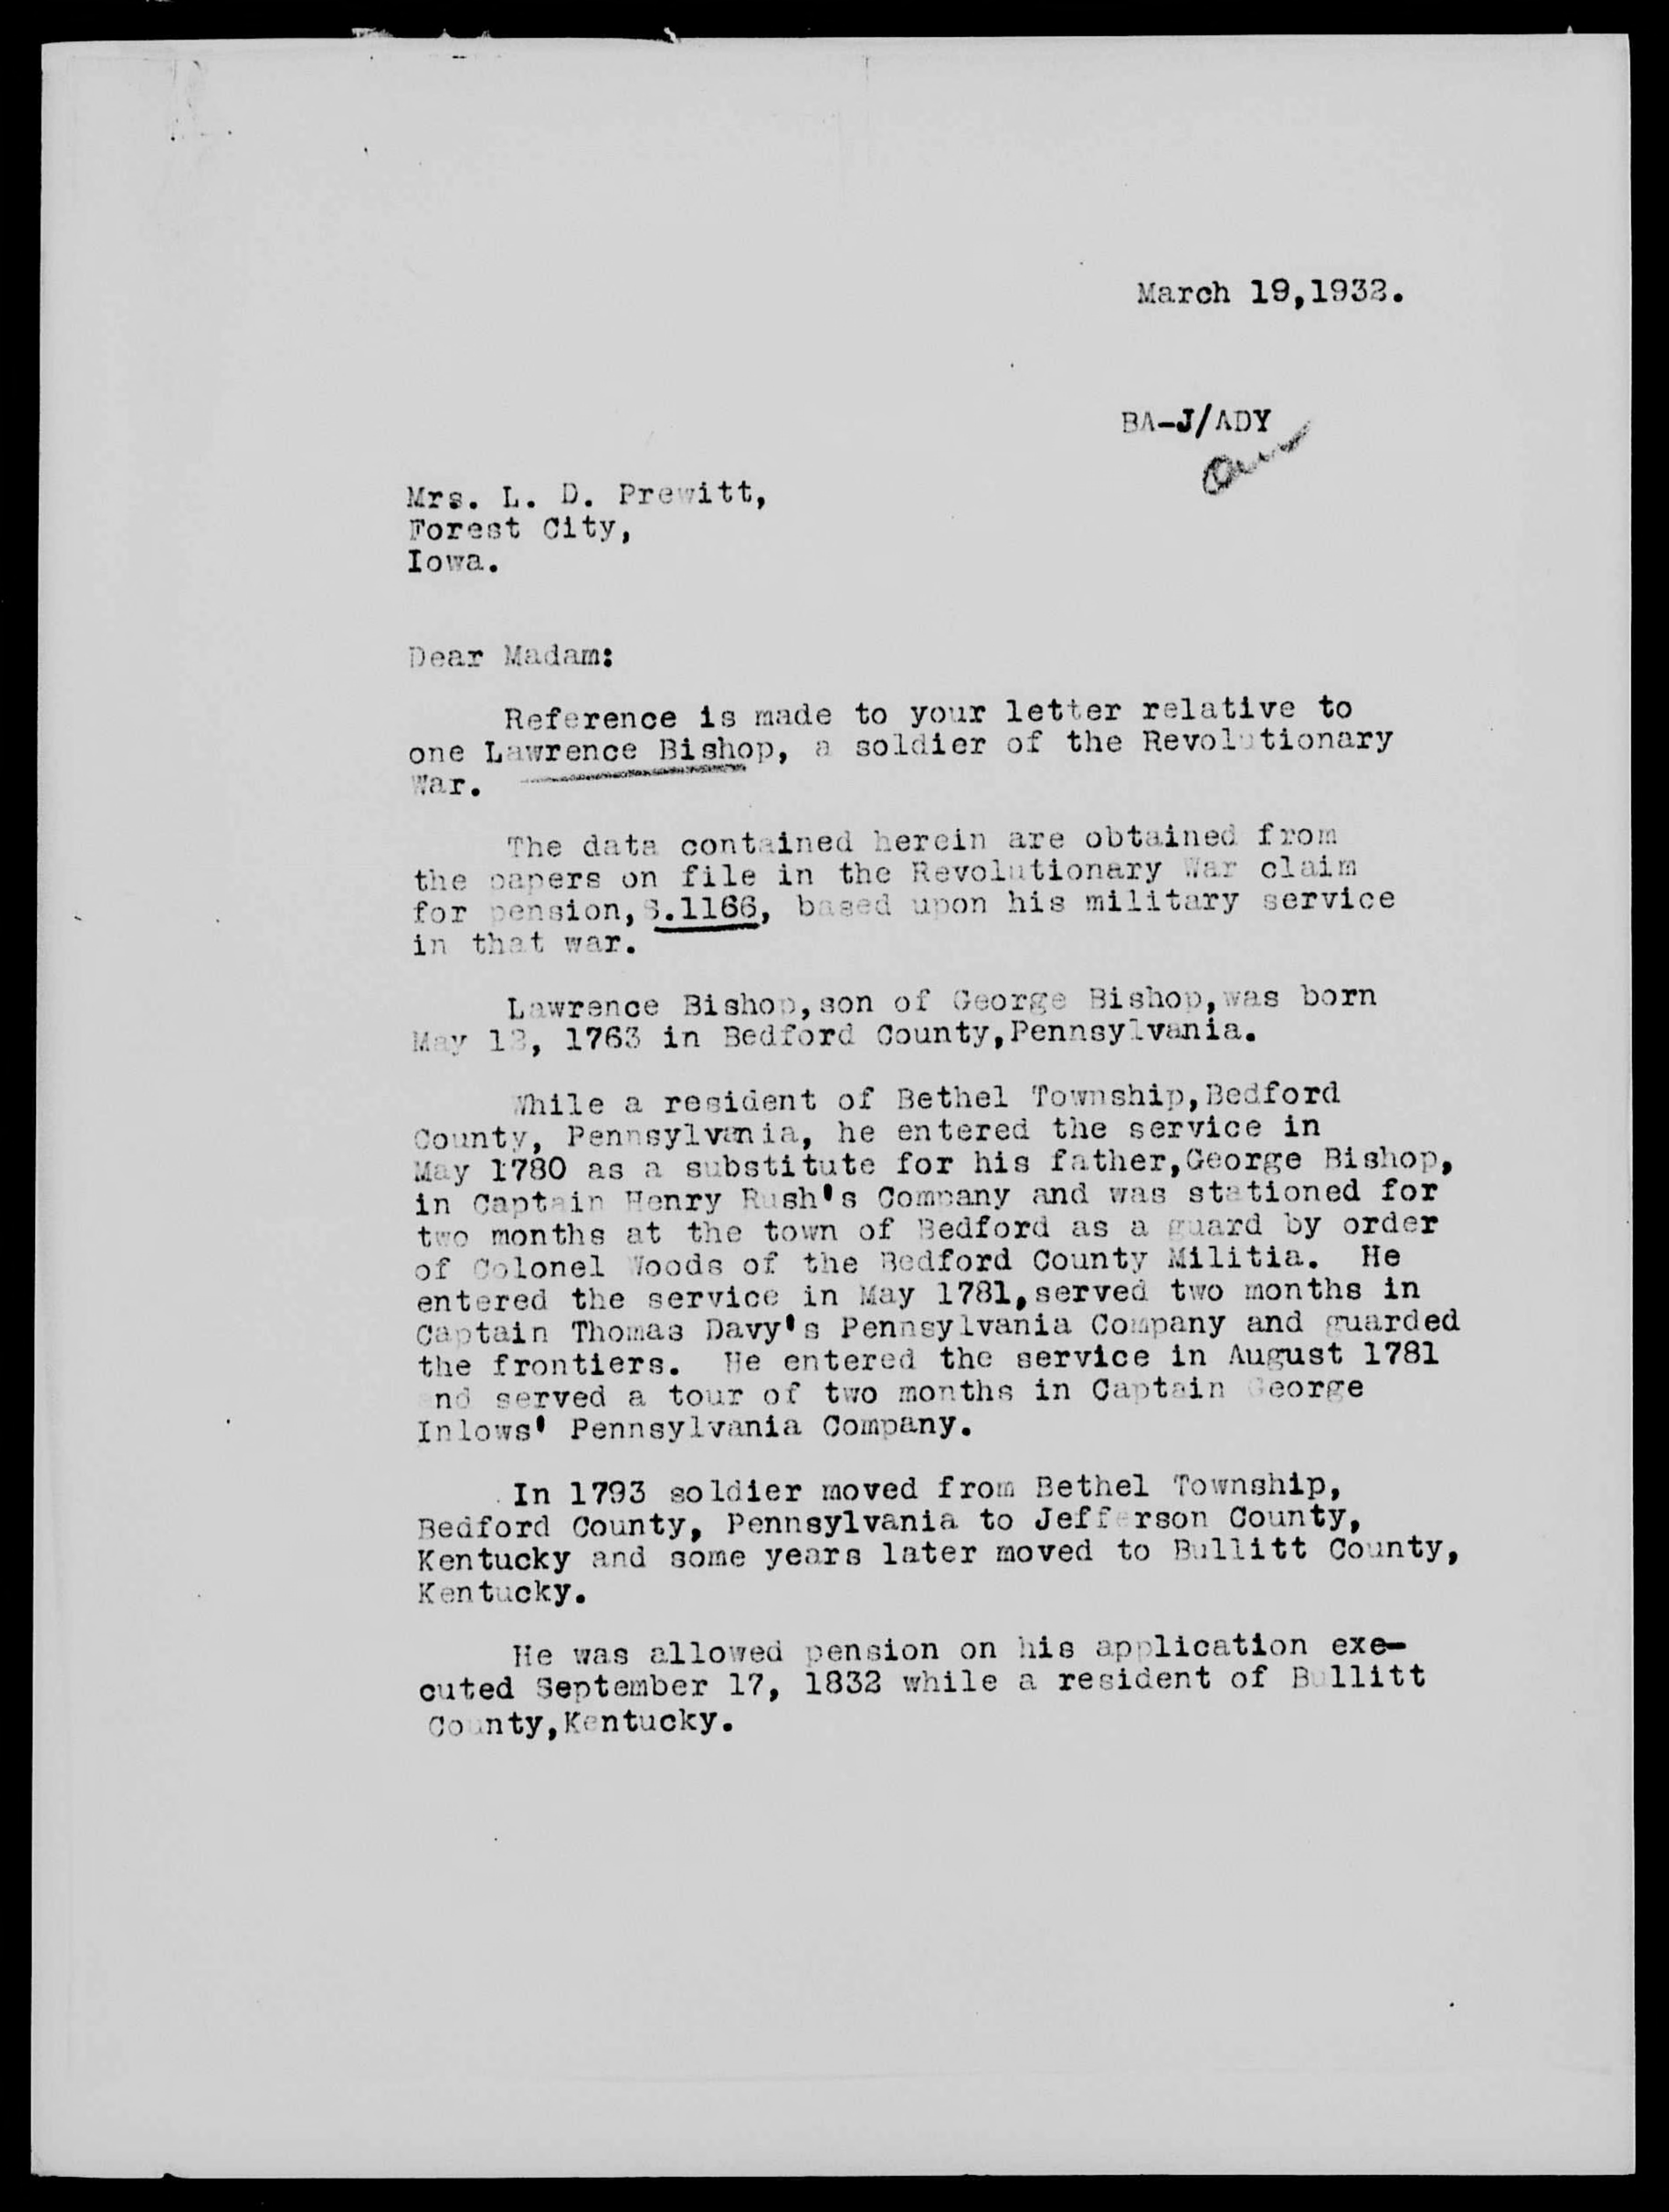March 19, 1932.   
BA-J/ADY   OWN
Mrs. L. D. Prewitt, 
Forest City, Iowa. 
Dear Madam:     
Reference is made to your letter relative to one Lawrence Bishop, a soldier of the Revolutionary War . 
The data contained herein are obtained from the papers on file in the Revolutionary War claim for pension, S.1166, based upon his military service in that war. 
Lawrence Bishop, son of George Bishop, was born May 13, 1763 in Bedford County, Pennsylvania. 
While a resident of Bethel Township, Bedford County, Pennsylvania, he entered the service in May 1780 as a substitute for his father, George Bishop, in Captain Henry Rush's Company and was stationed for two months at the town of Bedford as a guard by order of Colonel Woods of the Bedford County Militia. He entered the service in May 1781, served two months in Captain Thomas Davy's Pennsylvania Company and guarded the frontiers. He entered the service in August 1781 and served a tour of two months in Captain George Inlows' Pennsylvania Company. 
In 1793 soldier moved from Bethel Township, Bedford County, Pennsylvania to Jefferson County, Kentucky and some years later moved to Bullitt County, Kentucky. 
He was allowed pension on his application executed September 17, 1832 while a resident of Bullitt County, Kentucky.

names: George Bishop, Lawrence Bishop, Woods, Lawrence Bishop, George Bishop, L D Prewitt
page: 11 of 26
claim: survivor's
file: S.1,166, Lawrence Bishop, Penn.